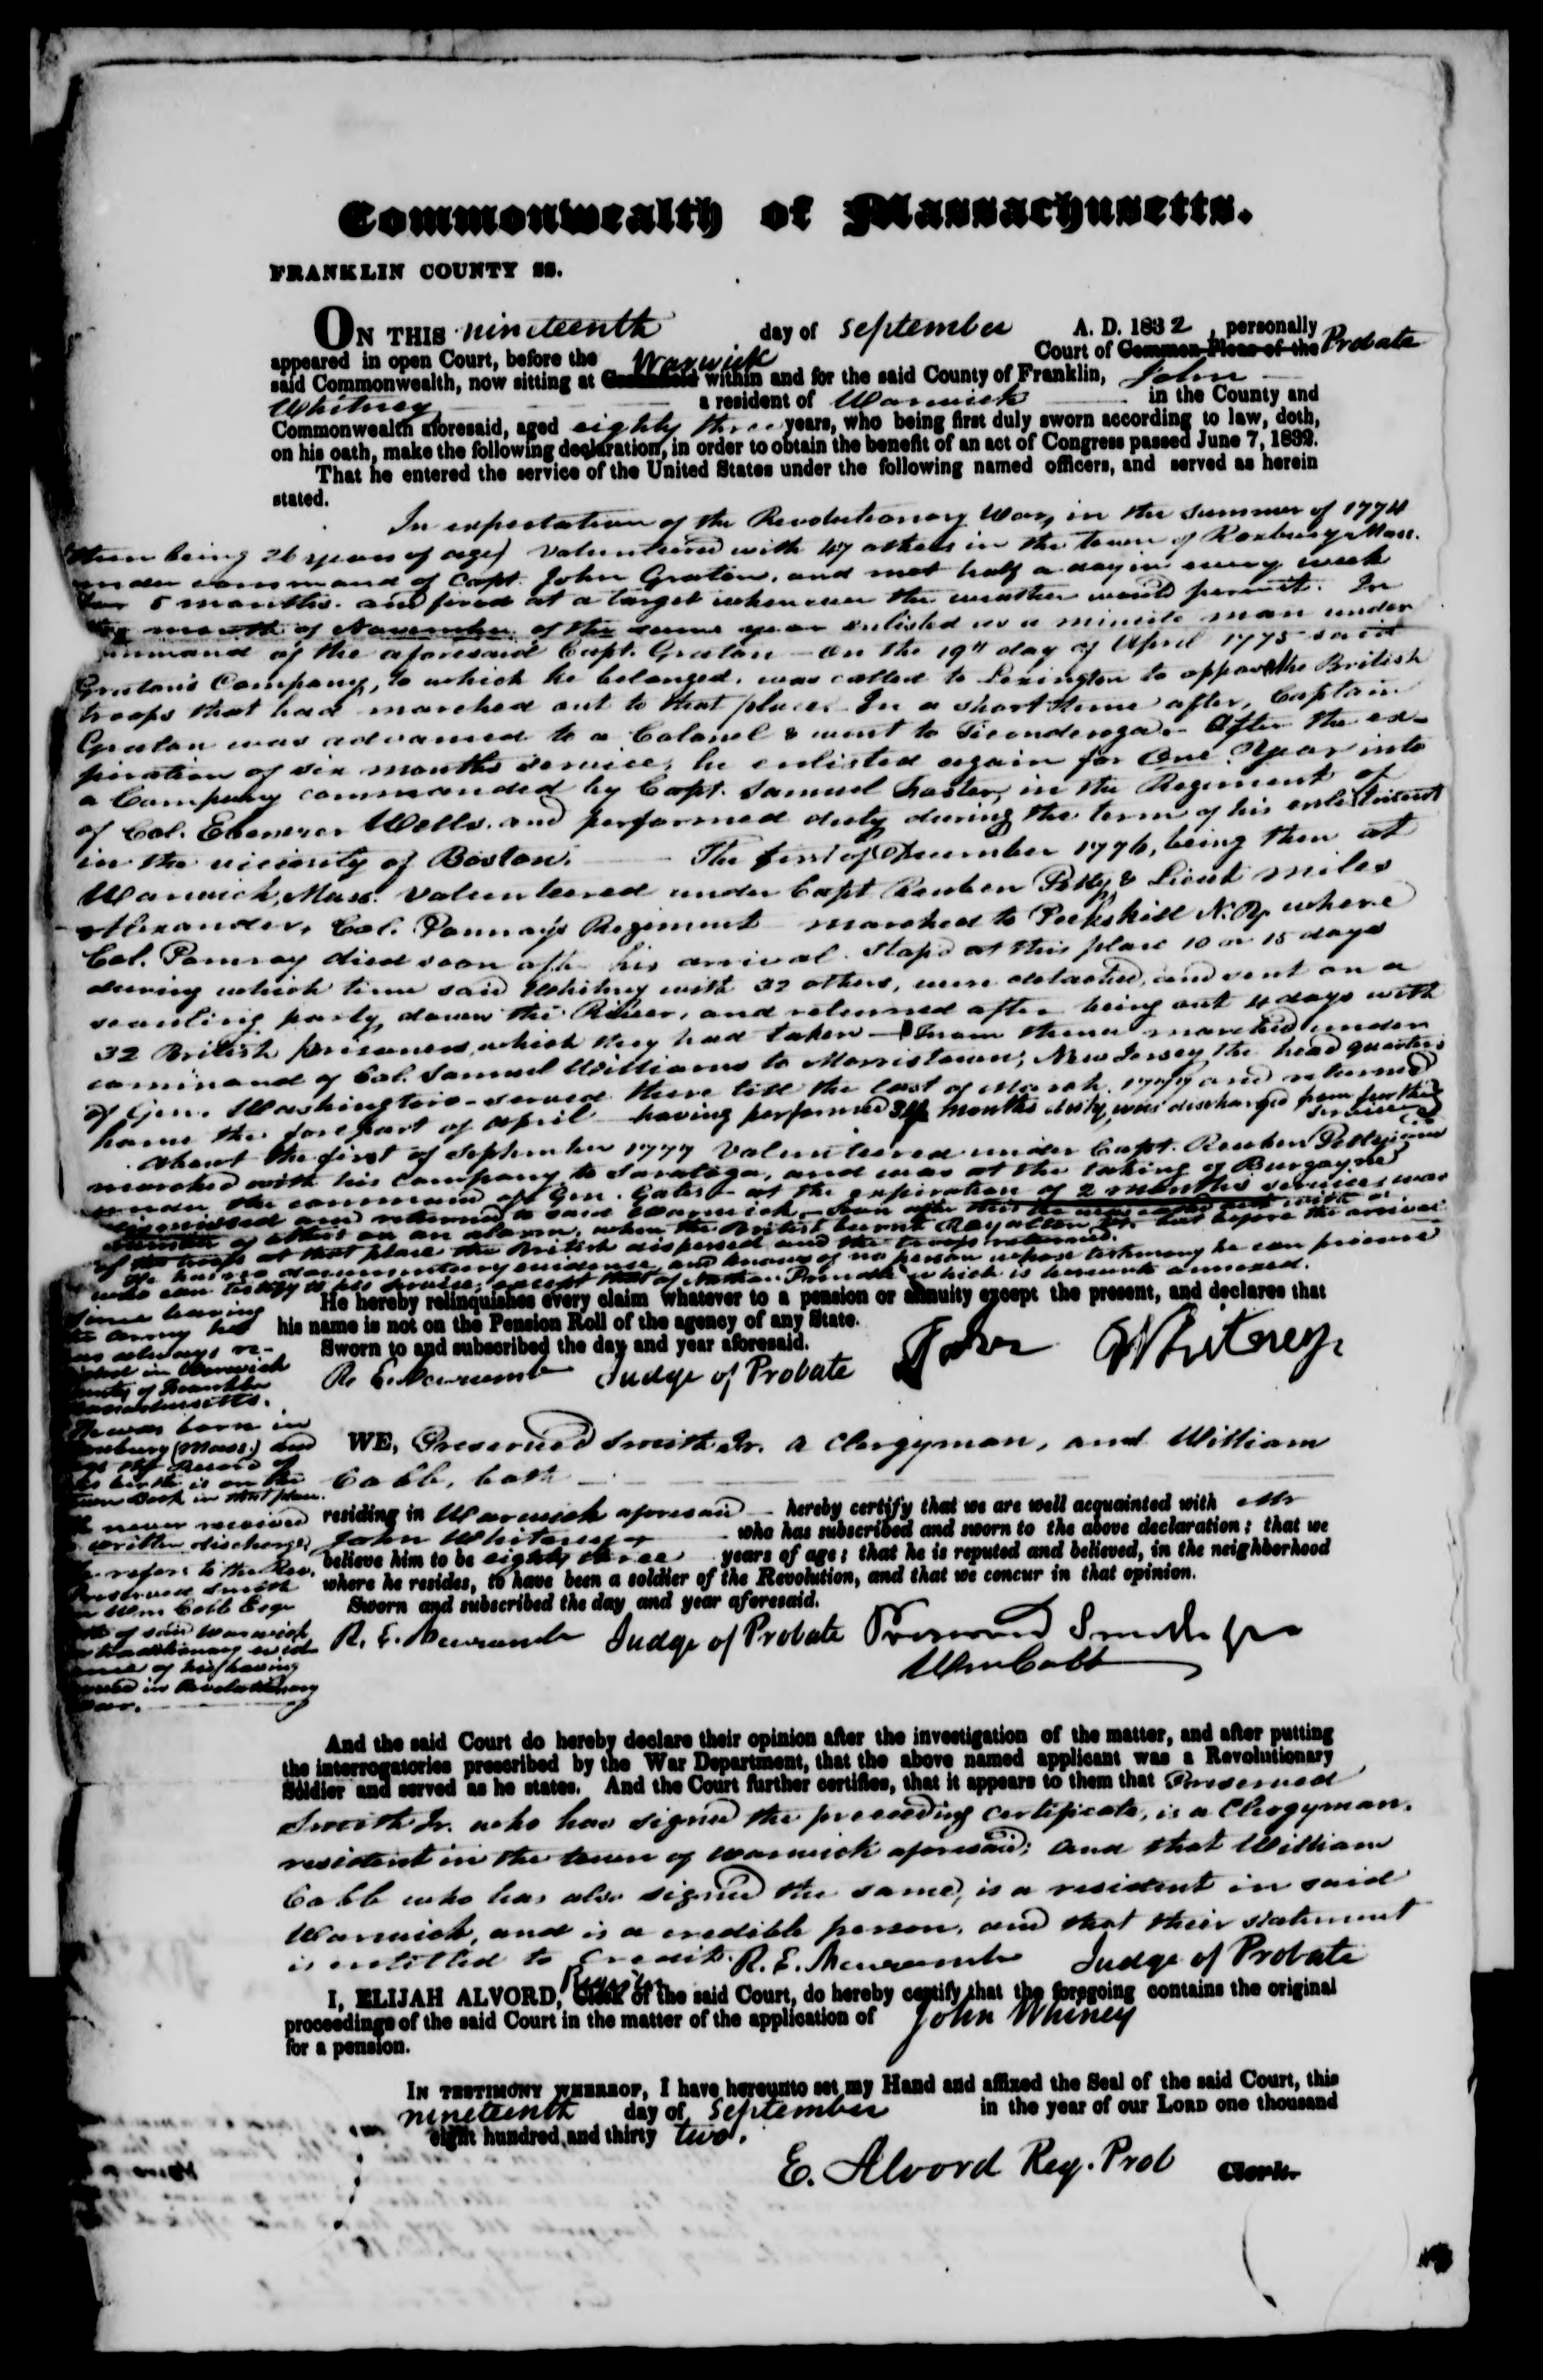Commonwealth of Massachusetts
Franklin County ss

On this nineteenth day of September A. D. 1832 personally appeared in open Court before the Warwick Court of Probate said Commonwealth, now sitting at Warwick with and for the said County of Franklin, John Whitney a resident of Warwick in the County and Commonwealth aforesaid, aged eighty three years, who being first duly sworn according to law, doth, on his oath, make the following declaration, in order to obtain the benefit of an act of Congress passed June 7, 1832. that he entered the service of the United States under the following named officers, and served as herein stated.
In expectation of the Revolutionary War in the summer of 1774 (then being 26 years of age) volunteered with 47 others in the town of Roxbury Mass under the command of Capt. John Graton and (illegible) half a day in every week for 5 months and fired at a target whenever the weather would permit. In the month of November of the same year, enlisted as a minute man under command of the aforesaid Capt. Graton. On the 19th day of April 1775 said Graton's Company to which he belonged, was called to Lexington to oppose the British troops that had marched out to that place. In a short time after, Capt. Graton was advanced to a Colonel & went to Ticonderoga. After the expiration of six months service he enlisted again for one year into a Company commanded by Capt. Samuel Foster in the Regiment of of Col. Ebenezeer Wells and performed duty during the term of his enlistment in the vicinity of Boston. The first of December 1776 being then at Warwick Mass. volunteered under Capt. Reuben Petty & Lieut Miles Alexander, Col. Pomroy's Regiment marched to Peekskill N. Y. where Col. Pomroy died soon after his arrival. Stayed at this place 10 or 15 days during which time said Whitney with 32 others were detached and sent on a scouting party down the River, and returned after being out 4 days with 32 British prisoners, which they had taken. Fron thence marched under command of Col. Samuel Williams to Morristown New Jersy the head quarters of Gen. Washington-served there till the last of March 1777 and returned home the last part of April having performed 34 months duty, was discharged from further service.
About the first of September 1777 volunteered under Capt. Reuben Petty's Comp. marched with his company to Saratoga and was at the taking of Burgoyne under the command of Gen. Gates-at the expiration of two months service was dismissed and returned to said Warwick. Soon after that he was (illegible) with a (illegible) of others on an alarm when the British burnt Royalton but before the arrival of troops at that place the British dispersed and the troops returned.
He has no documentary evidence and know of no person whose testimony he can procure who can testify to his service except that of Nathan Prindle which is hereunto annexed.
Since leaving the army he has always resided in said Warwick, County of Franklin, Massachusetts. he was born in (illegible) Mass. and says the record of his birth is on the town book in that place. He never received a written discharge. He refers to the Rev. Preserved Smith Wm. Cobb Esq both of said Warwick for traditionary evidence of his having served in Revolutionary war.
He hereby relinquished every claim to a pension or annuity except the present and declares that his name is not on the Pension roll of the agency of any State.
John Whitney
Sworn to and subscribed the day and year aforesaid
R. E. Newcomb, Judge of Probate

We Preserved Smith a clergyman and William Cobb both residing in Warwick aforesaid hereby certify that we are well acquainted with Mr. John Whitney who has subscribed and sworn to the above declaration; that we believe him to be eighty three years of age; that he is reputed and believed in the neighborhood where he resides, to have been a soldier of the Revolution and that we concur in that opinion. 
Sworn and subscribed the day and year aforesaid.
Preserved Smith Jr
Wm. Cobb
R. E. Newcomb, Judge of Probate

And the said Court do hereby declare their opinion after the investigation of the matter, and after putting the interrogatories prescribed by the War Department, that the above named applicant was a Revolutioary soldier and served as he states. And the Court further certifies, that it appears to them that Preserved Smith Jr. who has signed the preceeding certificate is a Clergyman resident in the town of Warwick aforesand, and that William Cobbb whi has also signed the same is a resident in said Warwick and is a credible person, and that their statement is entitled to credit.
R. E. Newcomb, Judge of Probate

I, Elijah Alvord, Register of the said Court, do hereby certify that the foregoing contains the original proceedings of the said Court in the matter of the application of John Whitney
In Testimony whereof, I have hereunto set my Hand and affixed the Seal of the said Court, this nineteenth day of September in the year of our Lord one thousand eight hundred and thirty two.
E. Alvord, Reg. Prob.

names: John Whitney, Reuben Petty, Samuel Williams, Preserved Smith, Burgoyne, John Graton, Ebenezer Wells, Pomroy, Nathan Prindle, Samuel Foster, William Cobb, Gates, R E Newcomb, Elijah Alvord, Washington, Miles Alexander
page: 5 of 10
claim: survivor's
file: S. 30,203, John Whitney, Mass.